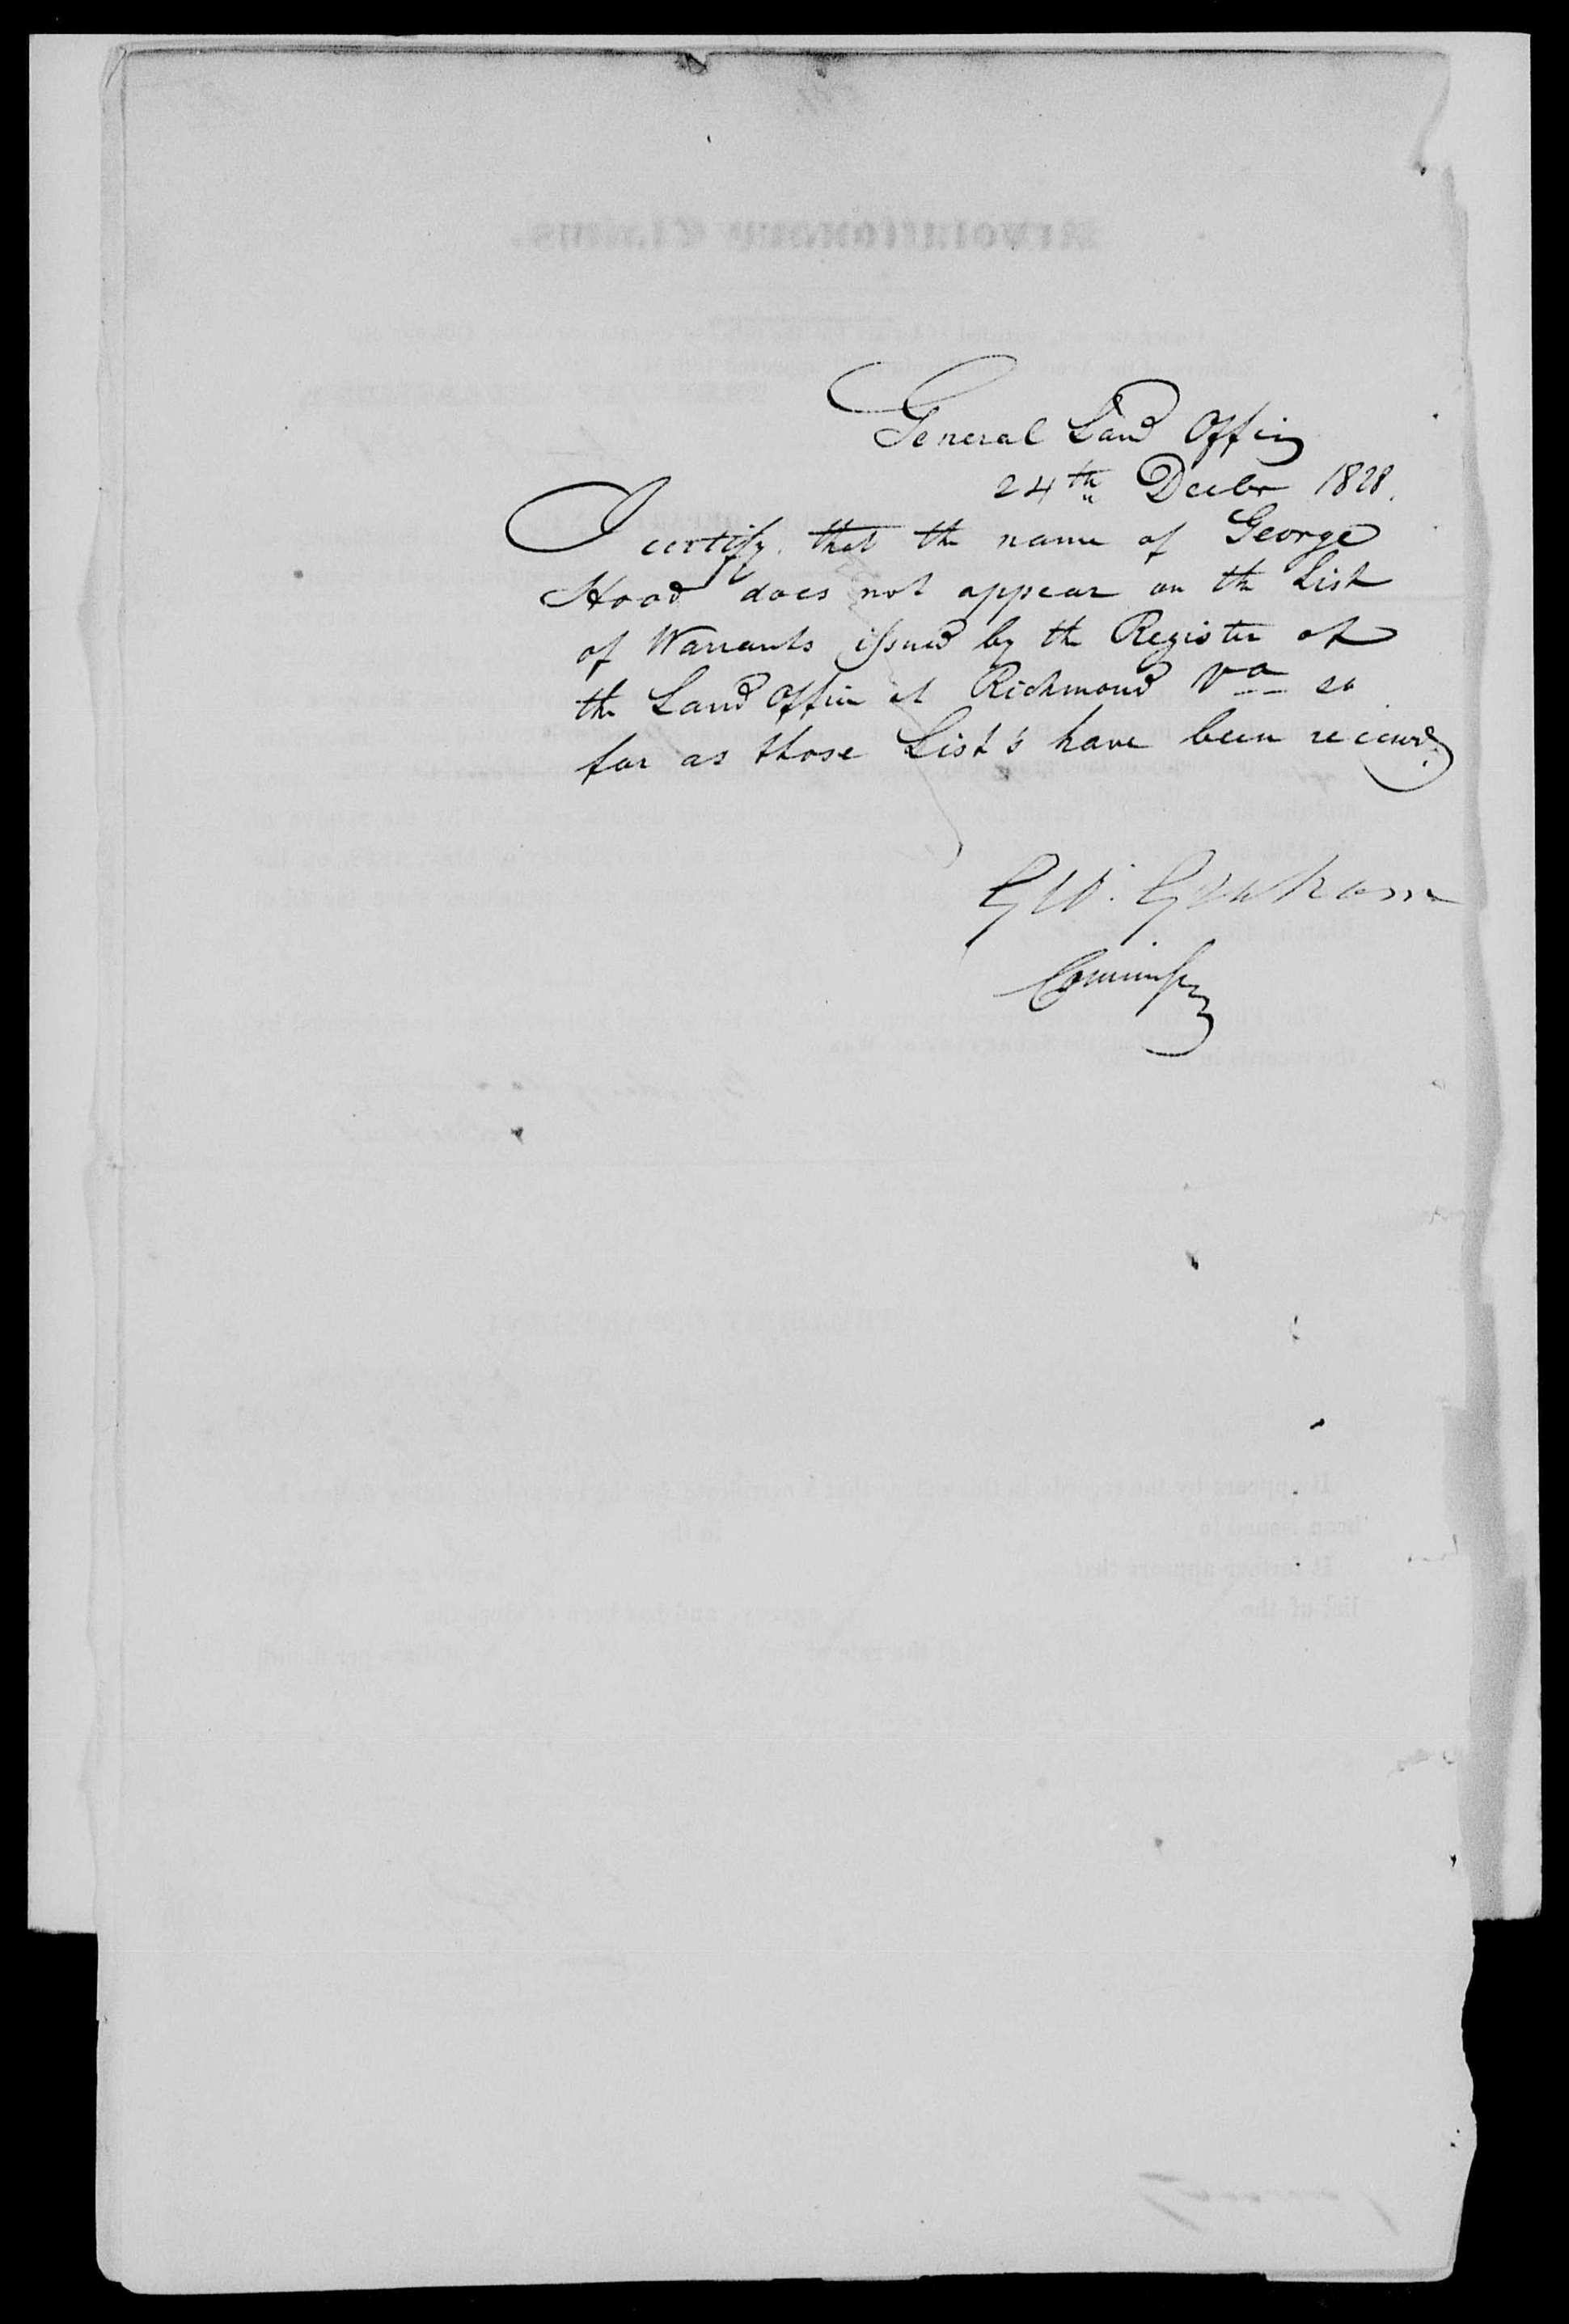General Land Offering
24th December 1828
I certify that the name of George Hood does not appear on the List of Warrants found by the Register of the Land Office in Richmond, Virginia as far as those Lists have been received. 
Geo: Graham
Commissioner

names: George Hood, Geo Graham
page: 48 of 51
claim: widow's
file: W 8939, George Hood, Continental Va.